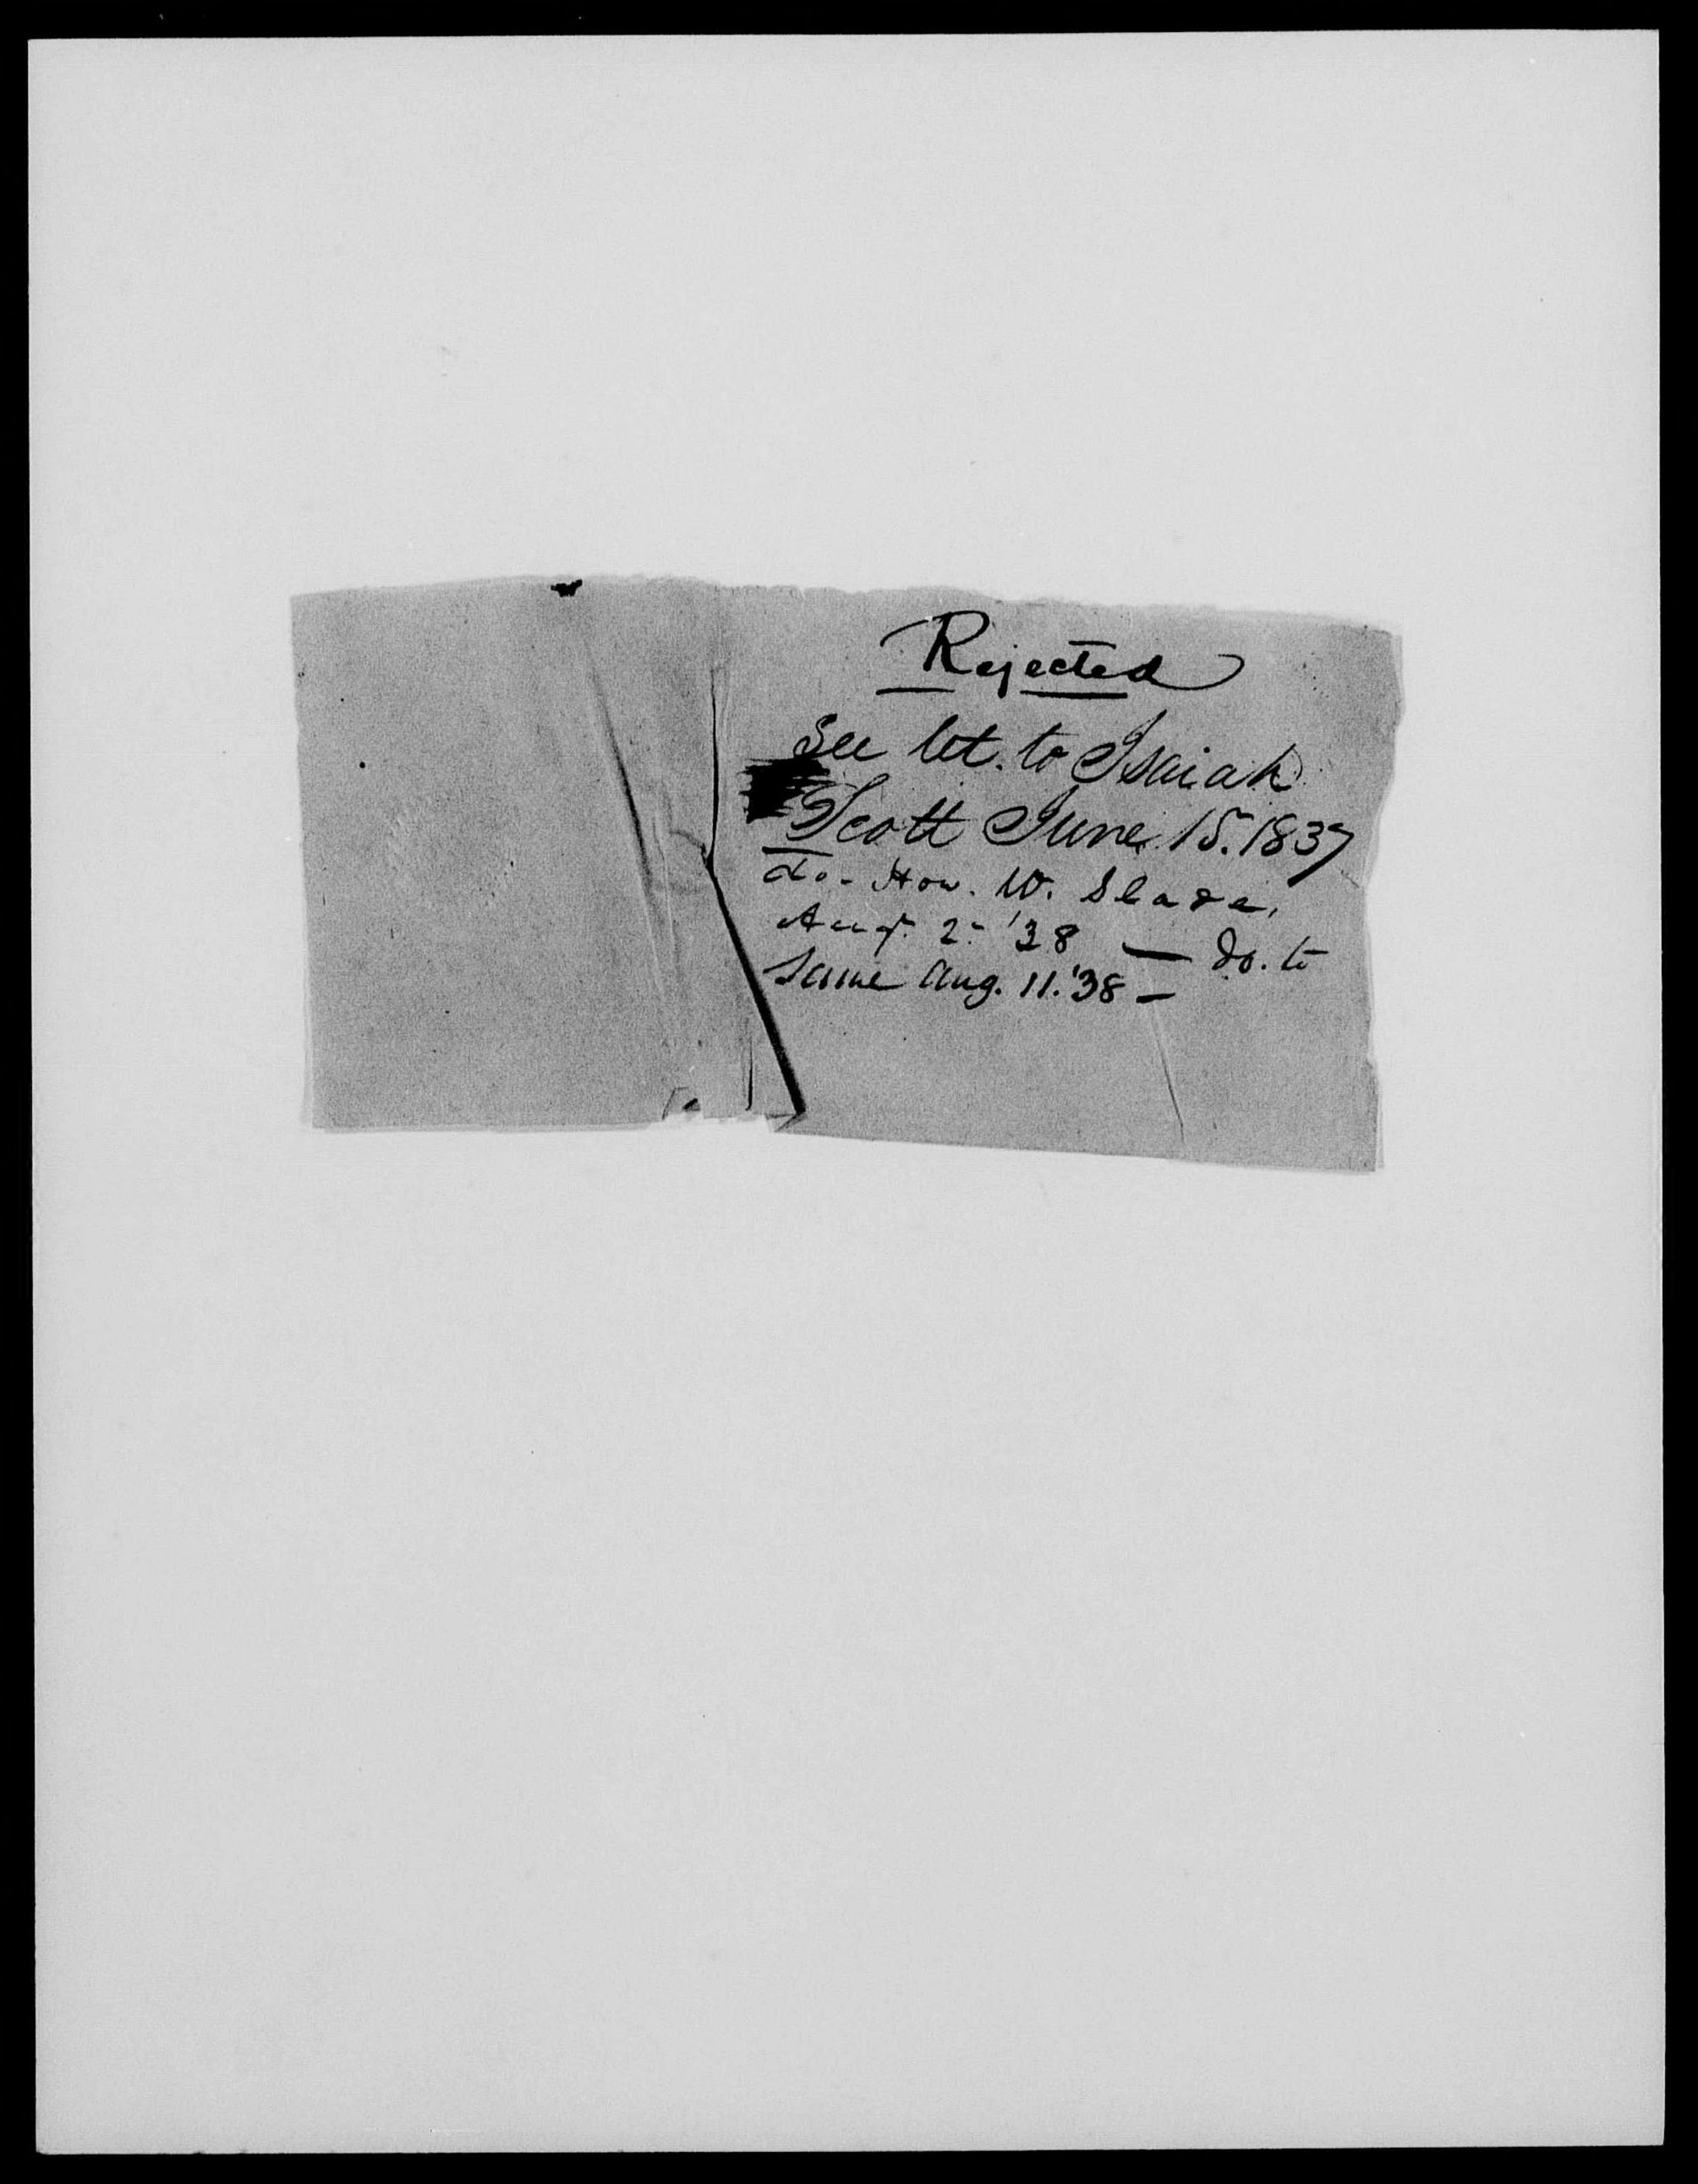Rejected
See let to Isaiah
Scott June 15, 1837
To Hon W. Slade
Aug 2 '38 - do to 
same Aug 11. '38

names: W Slade, Isaiah Scott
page: 19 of 62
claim: widow's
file: W. 21391, Robert Holley, Conn.